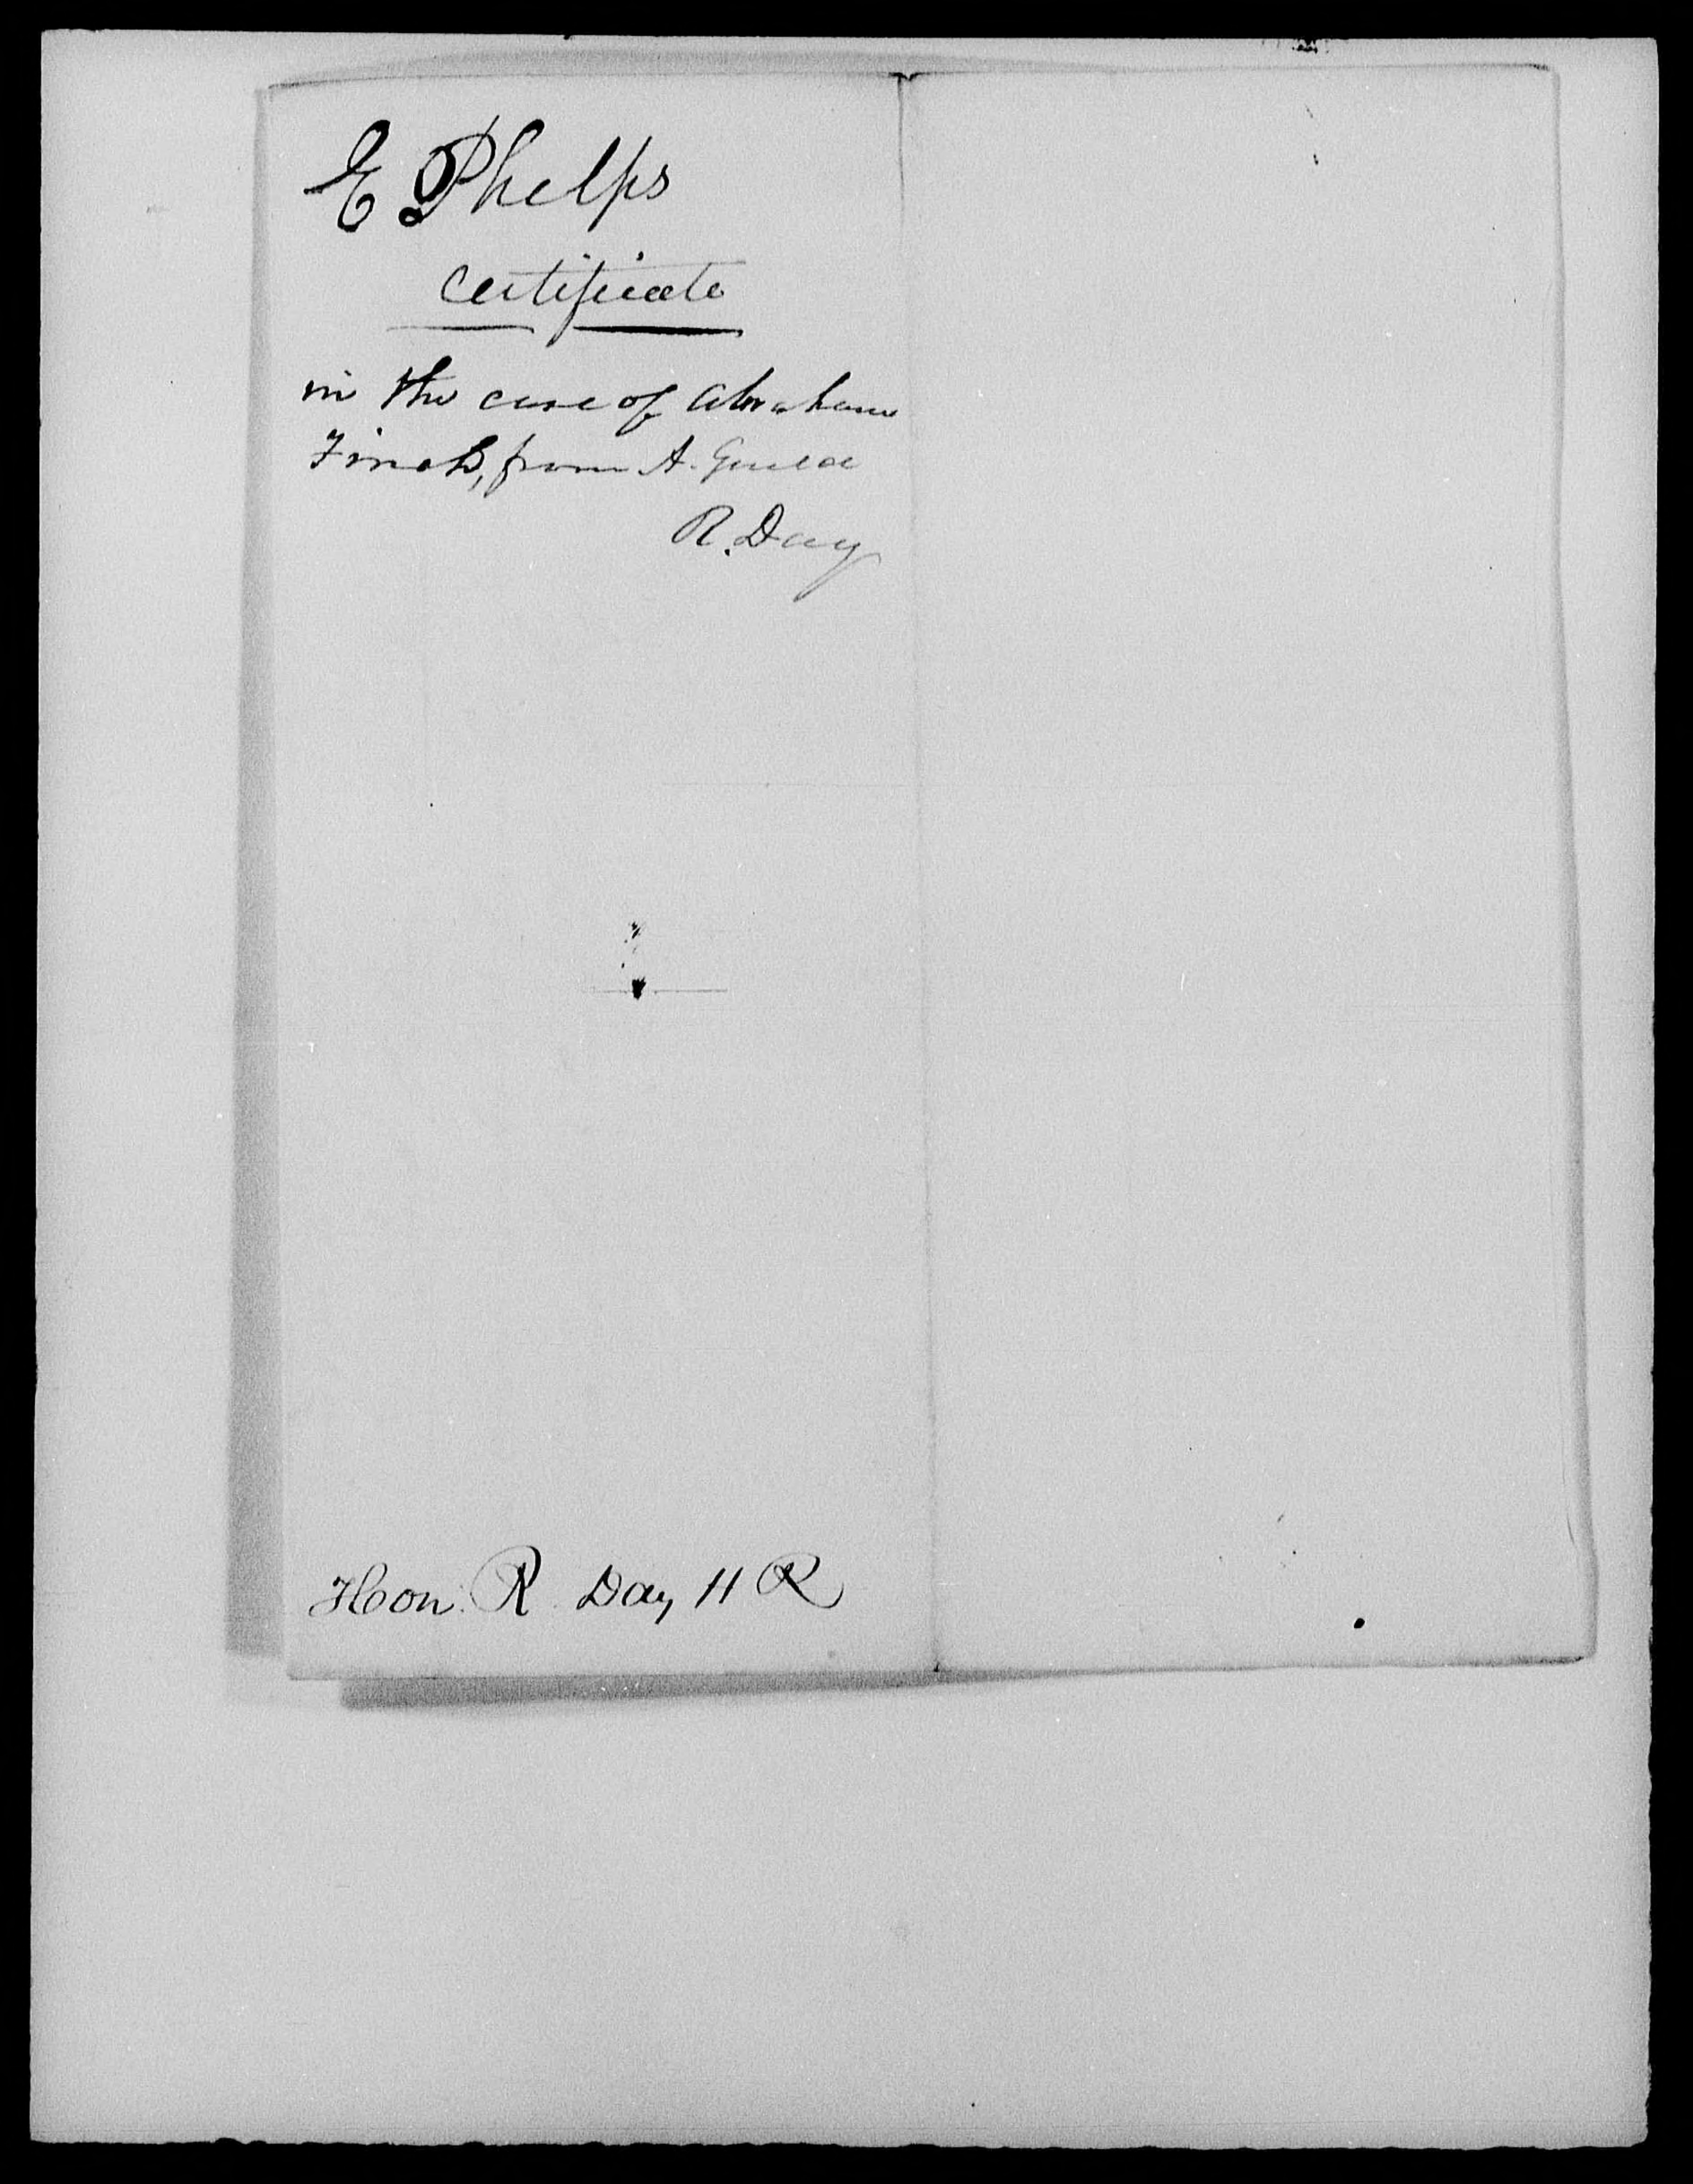E. Phelps
Certificate
in the case of Abraham Finch, from A. Gordon
R. Day

Hon. R Day HR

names: R Day, Abraham Finch, E Phelps, R Day, A Gould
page: 14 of 35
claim: survivor's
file: S. 28727, Abraham Finch, Conn.